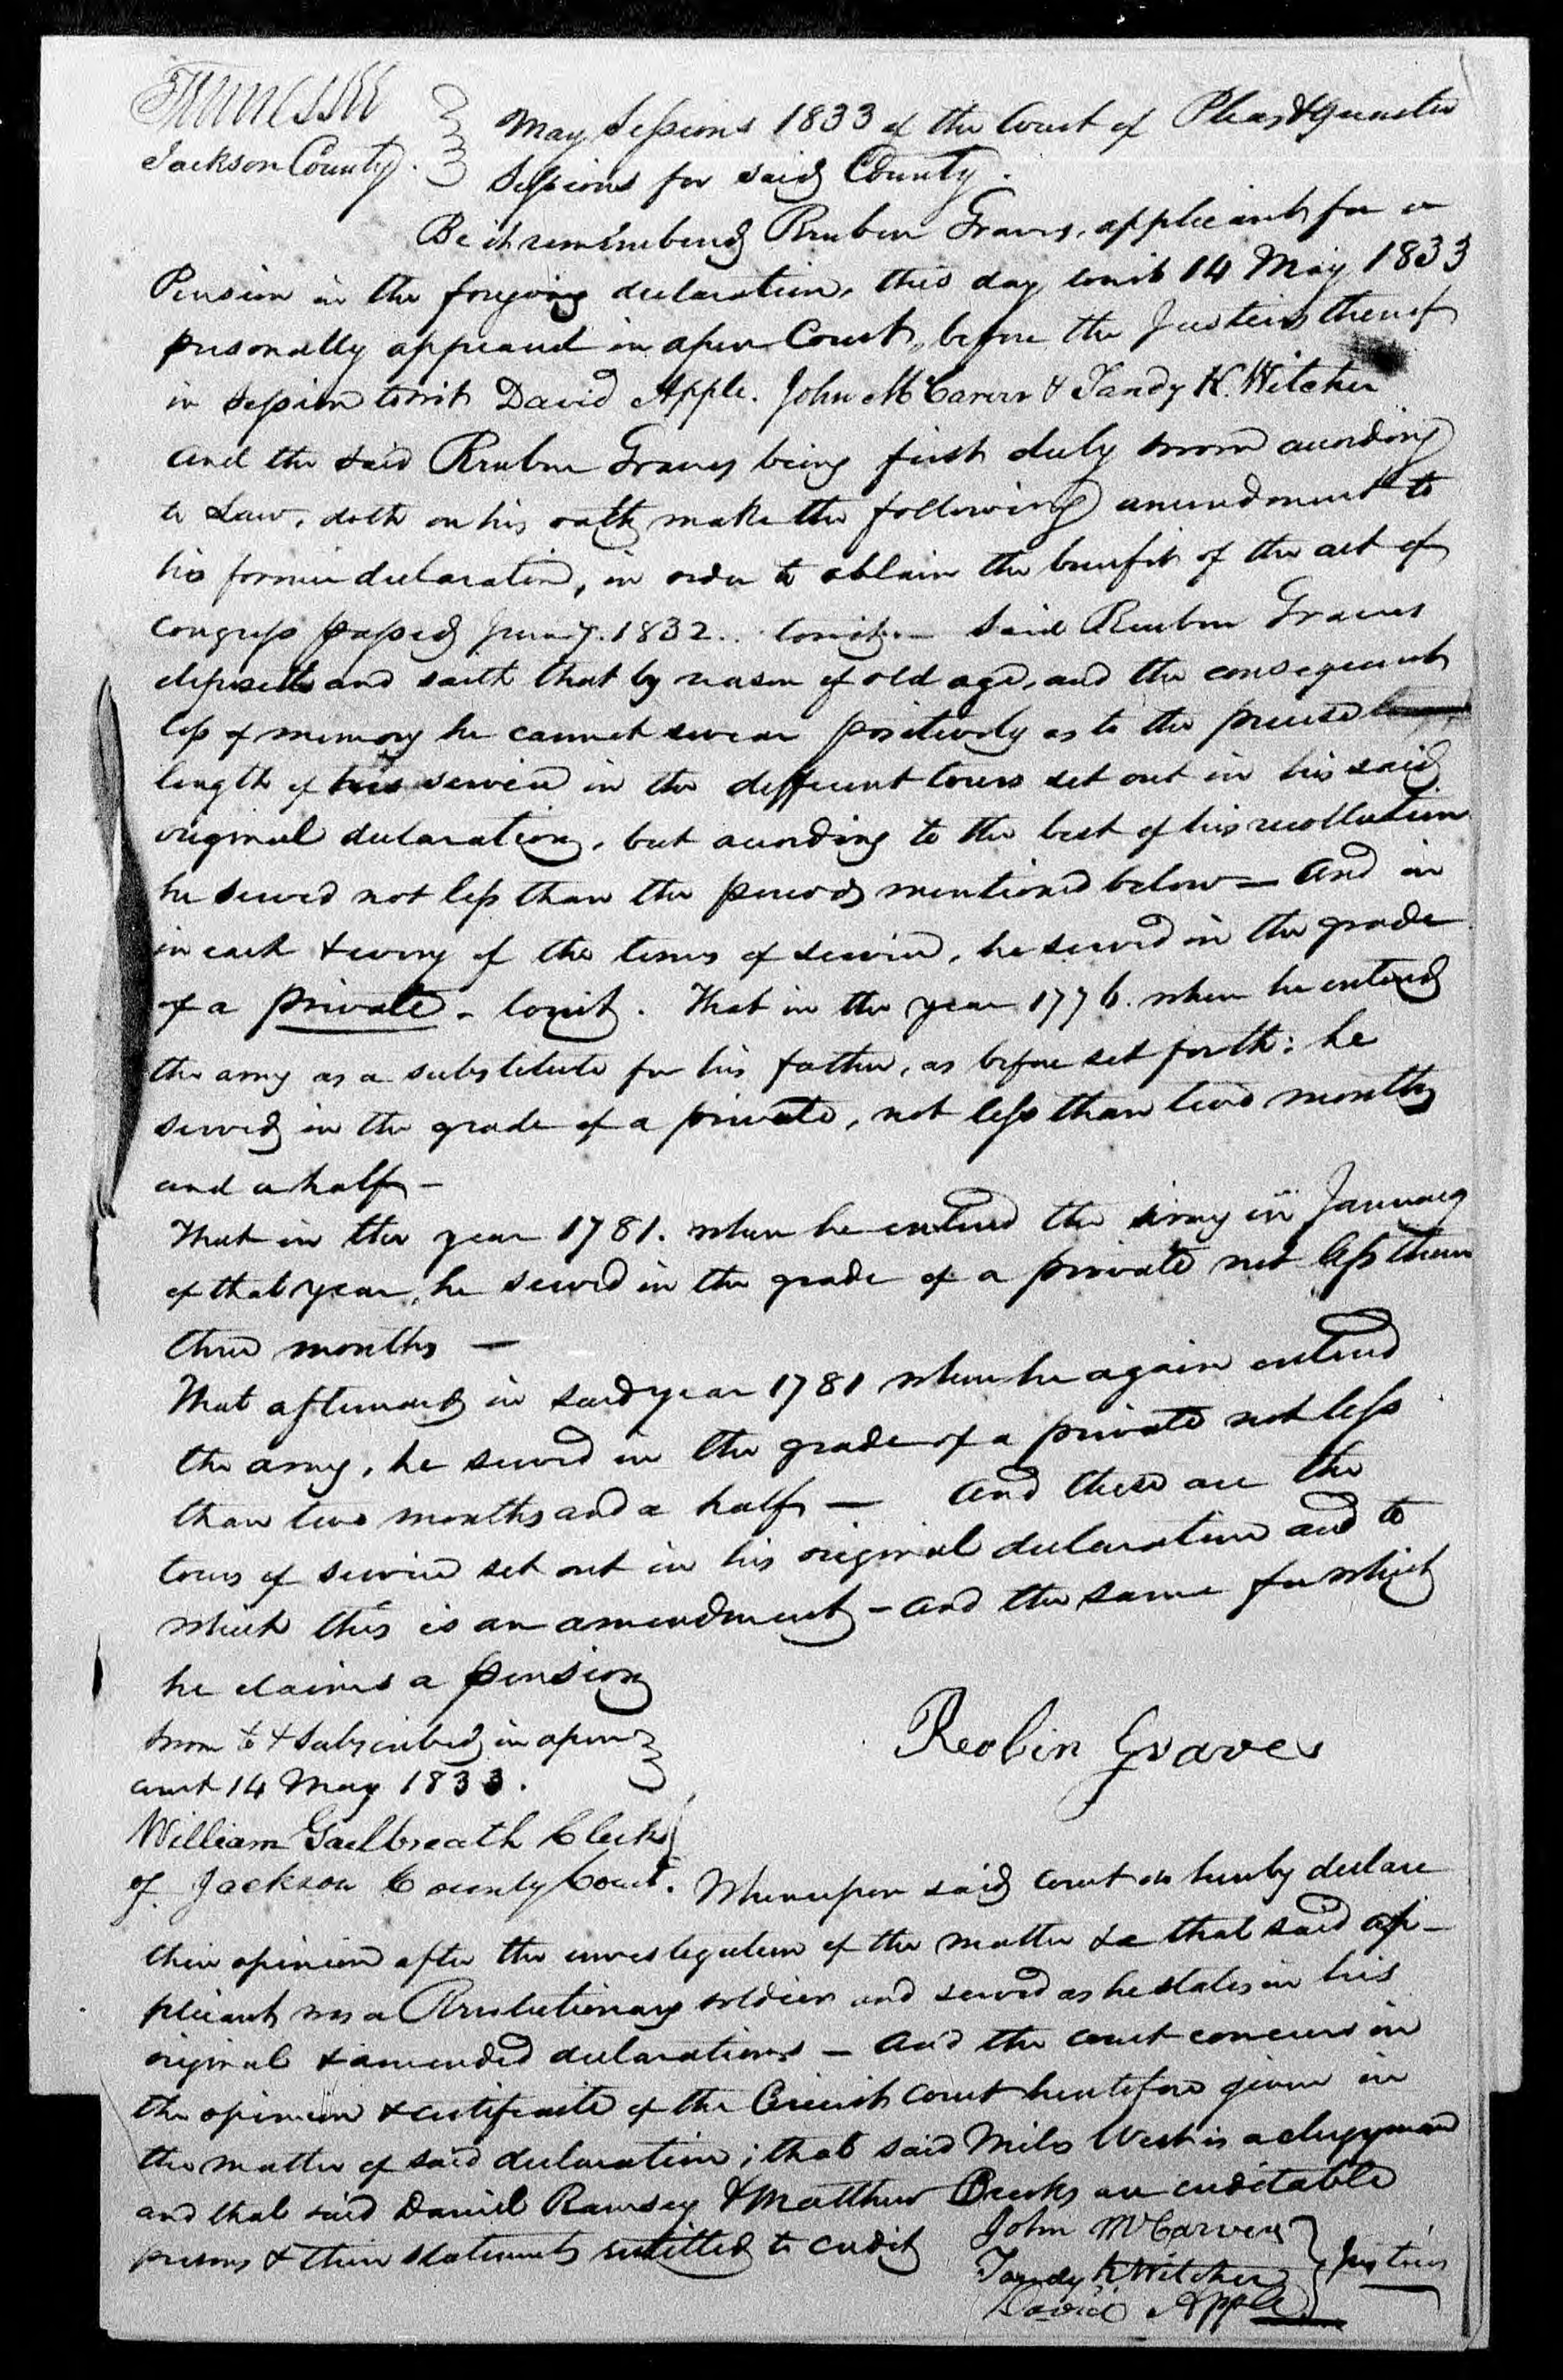Tennessee
Jackson County

May Sessions 1833 of the Court of Quarter 
Sessions for said County.

Be it remembered Ruben Graves, applicant for pension in the foregoing declaration, this day ? 14 May 1833 personally appeared in open court, before the Justices thereof in deposition David Apple, John H. Carver, and Sandy K. Witcher and the said Ruben Graves being first duly sworn according to Law, doth on his oath make the following amendment to his former declaration, in order to obtain the benefit of the act of Congress passed June 7, 1832.  ? Said Ruben Graves deposes and saith that by reason of old age, and the ? of memory he cannot swear positively as to the precise length of his service in the different tours set out in his said original declaration, but according to the best of his recollection he served not less than the periods mentioned below. And in each and every of the times of service, he served in the grade of a private - to wit.   That in the year 1776 when he entered the army as a substitute for his father, as before set forth; he served in the grade of a private, not less than two months and a half.
That in the year 1781, when he entered the army in January of that year, he served in the grade of a private, not less than three months.
That afterwards in said year 1781 when he again entered the army, he served in the grade of a private not less than two months and a half - and these are the tours of service set out in his original declaration and to which this is an amendment - and the same for which he claims a pension.

Ruben Graves

Sworn to and subscribed in open court 14 May 1833

William Galbreath Clerk 
of Jackson County Court

Whereupon said court  hereby declare their opinion after the investigation of the matter and that said applicant was a Revolutionary soldier and served as he states in his original and amended declarations -And the court concurs in the opinion and certificate of the Circuit Court hereto given in the matter of said declaration; that said Miles West is a clergyman and that said Daniel Ramsey and Matthew Brooks are creditable persons and their statements entitled to credit.

John W. Carver
Sandy K. Witcher
David Apple

Justices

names: David Apple, John M Carver, Sandy K Witcher, Reuben Graves, David Apple, Matthew Brooks, Reuben Graves, Sandy K Witcher, William Gailbreath, Reuben Graves, Miles West, John M Carver, Robin Graves, Daniel Ramsey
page: 10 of 22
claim: survivor's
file: S. 3408, Reuben Graves, Va.